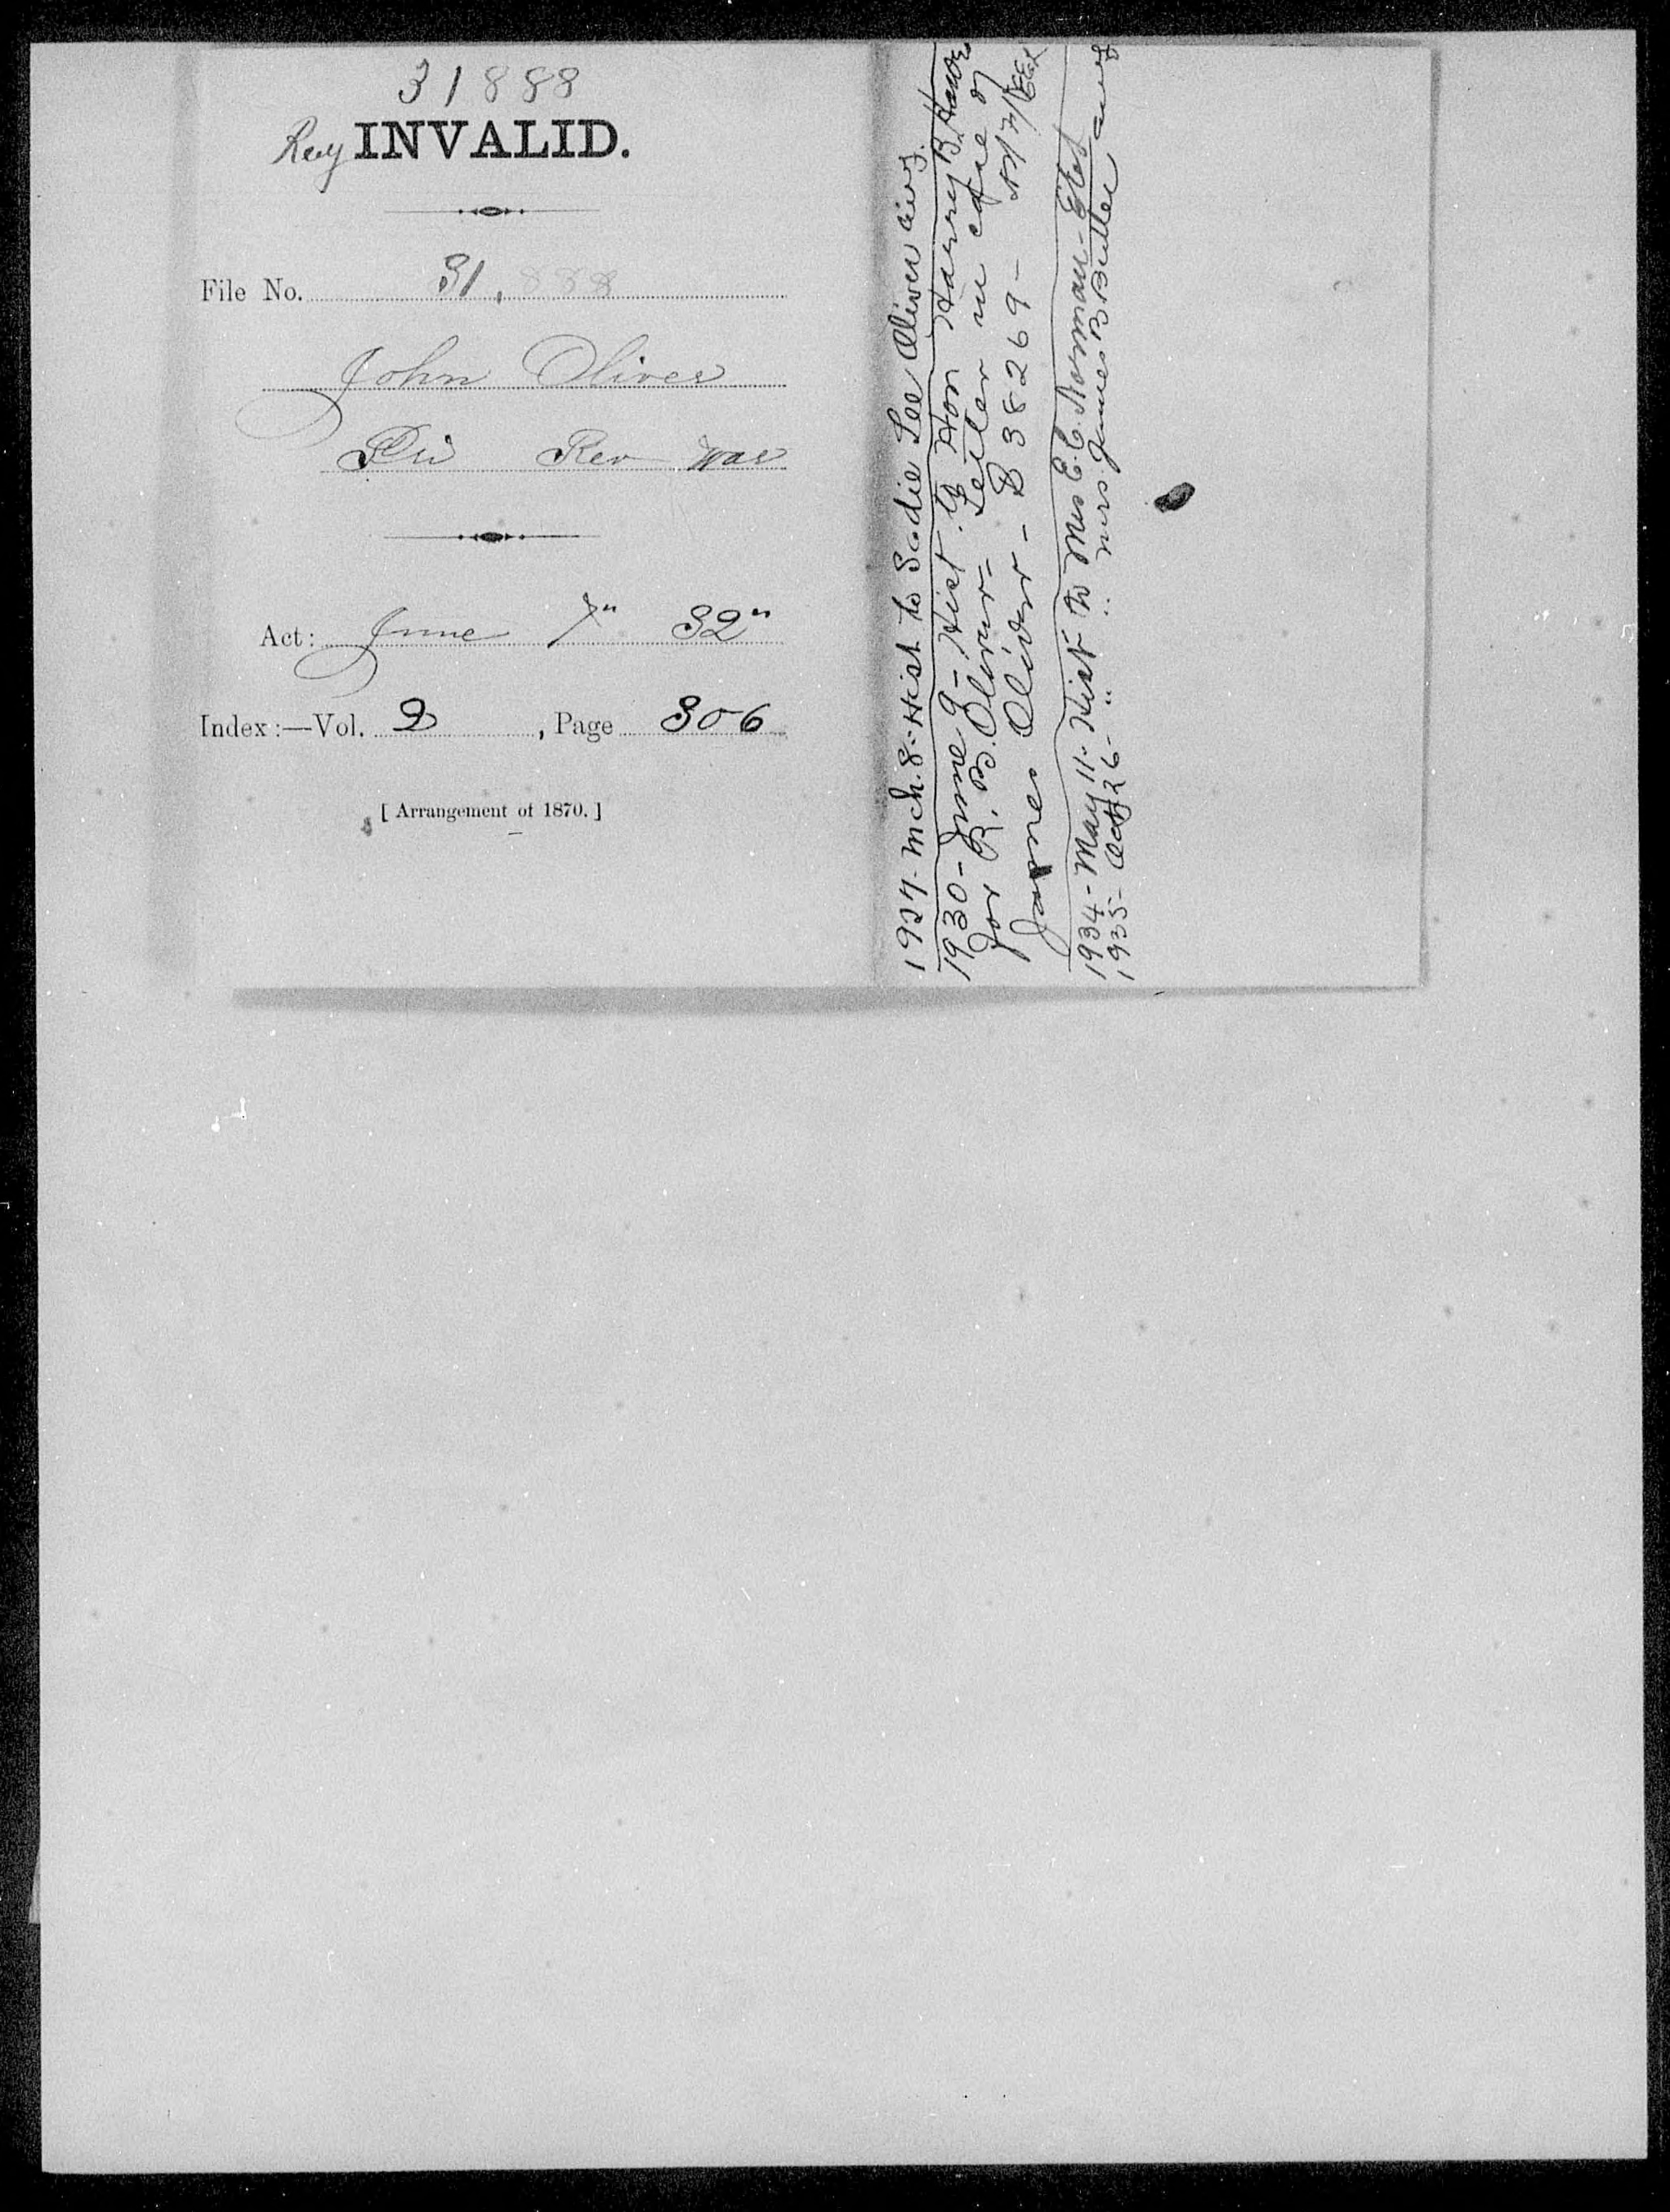31888
Revy
INVALID.
File No. 31,888
John Oliver
Pri Rev War

Act:  June 7 32
Index: --Vol. 8, Page 306

[Arrangement of 1870.]

(right panel)
1927 - Mch 8 Hist to Sadie Lee Oliver  AWF
1930- June 9 - Hist to Hon. Harry B. Howe
for R.B. Oliver - Letter in case of James Oliver S38269 - AWF/EEL
1934 - May 11 - Hist to Mrs. E.C. Norman EEL
1935 - Oct. 26 - "       "  Mrs. James B Butter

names: Harry B Howe; John Oliver; Sadie Lee Oliver; R B Oliver; E C Norman; James Oliver; James B Butter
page: 10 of 32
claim: survivor's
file: S. 31888, for John Oliver, North Carolina